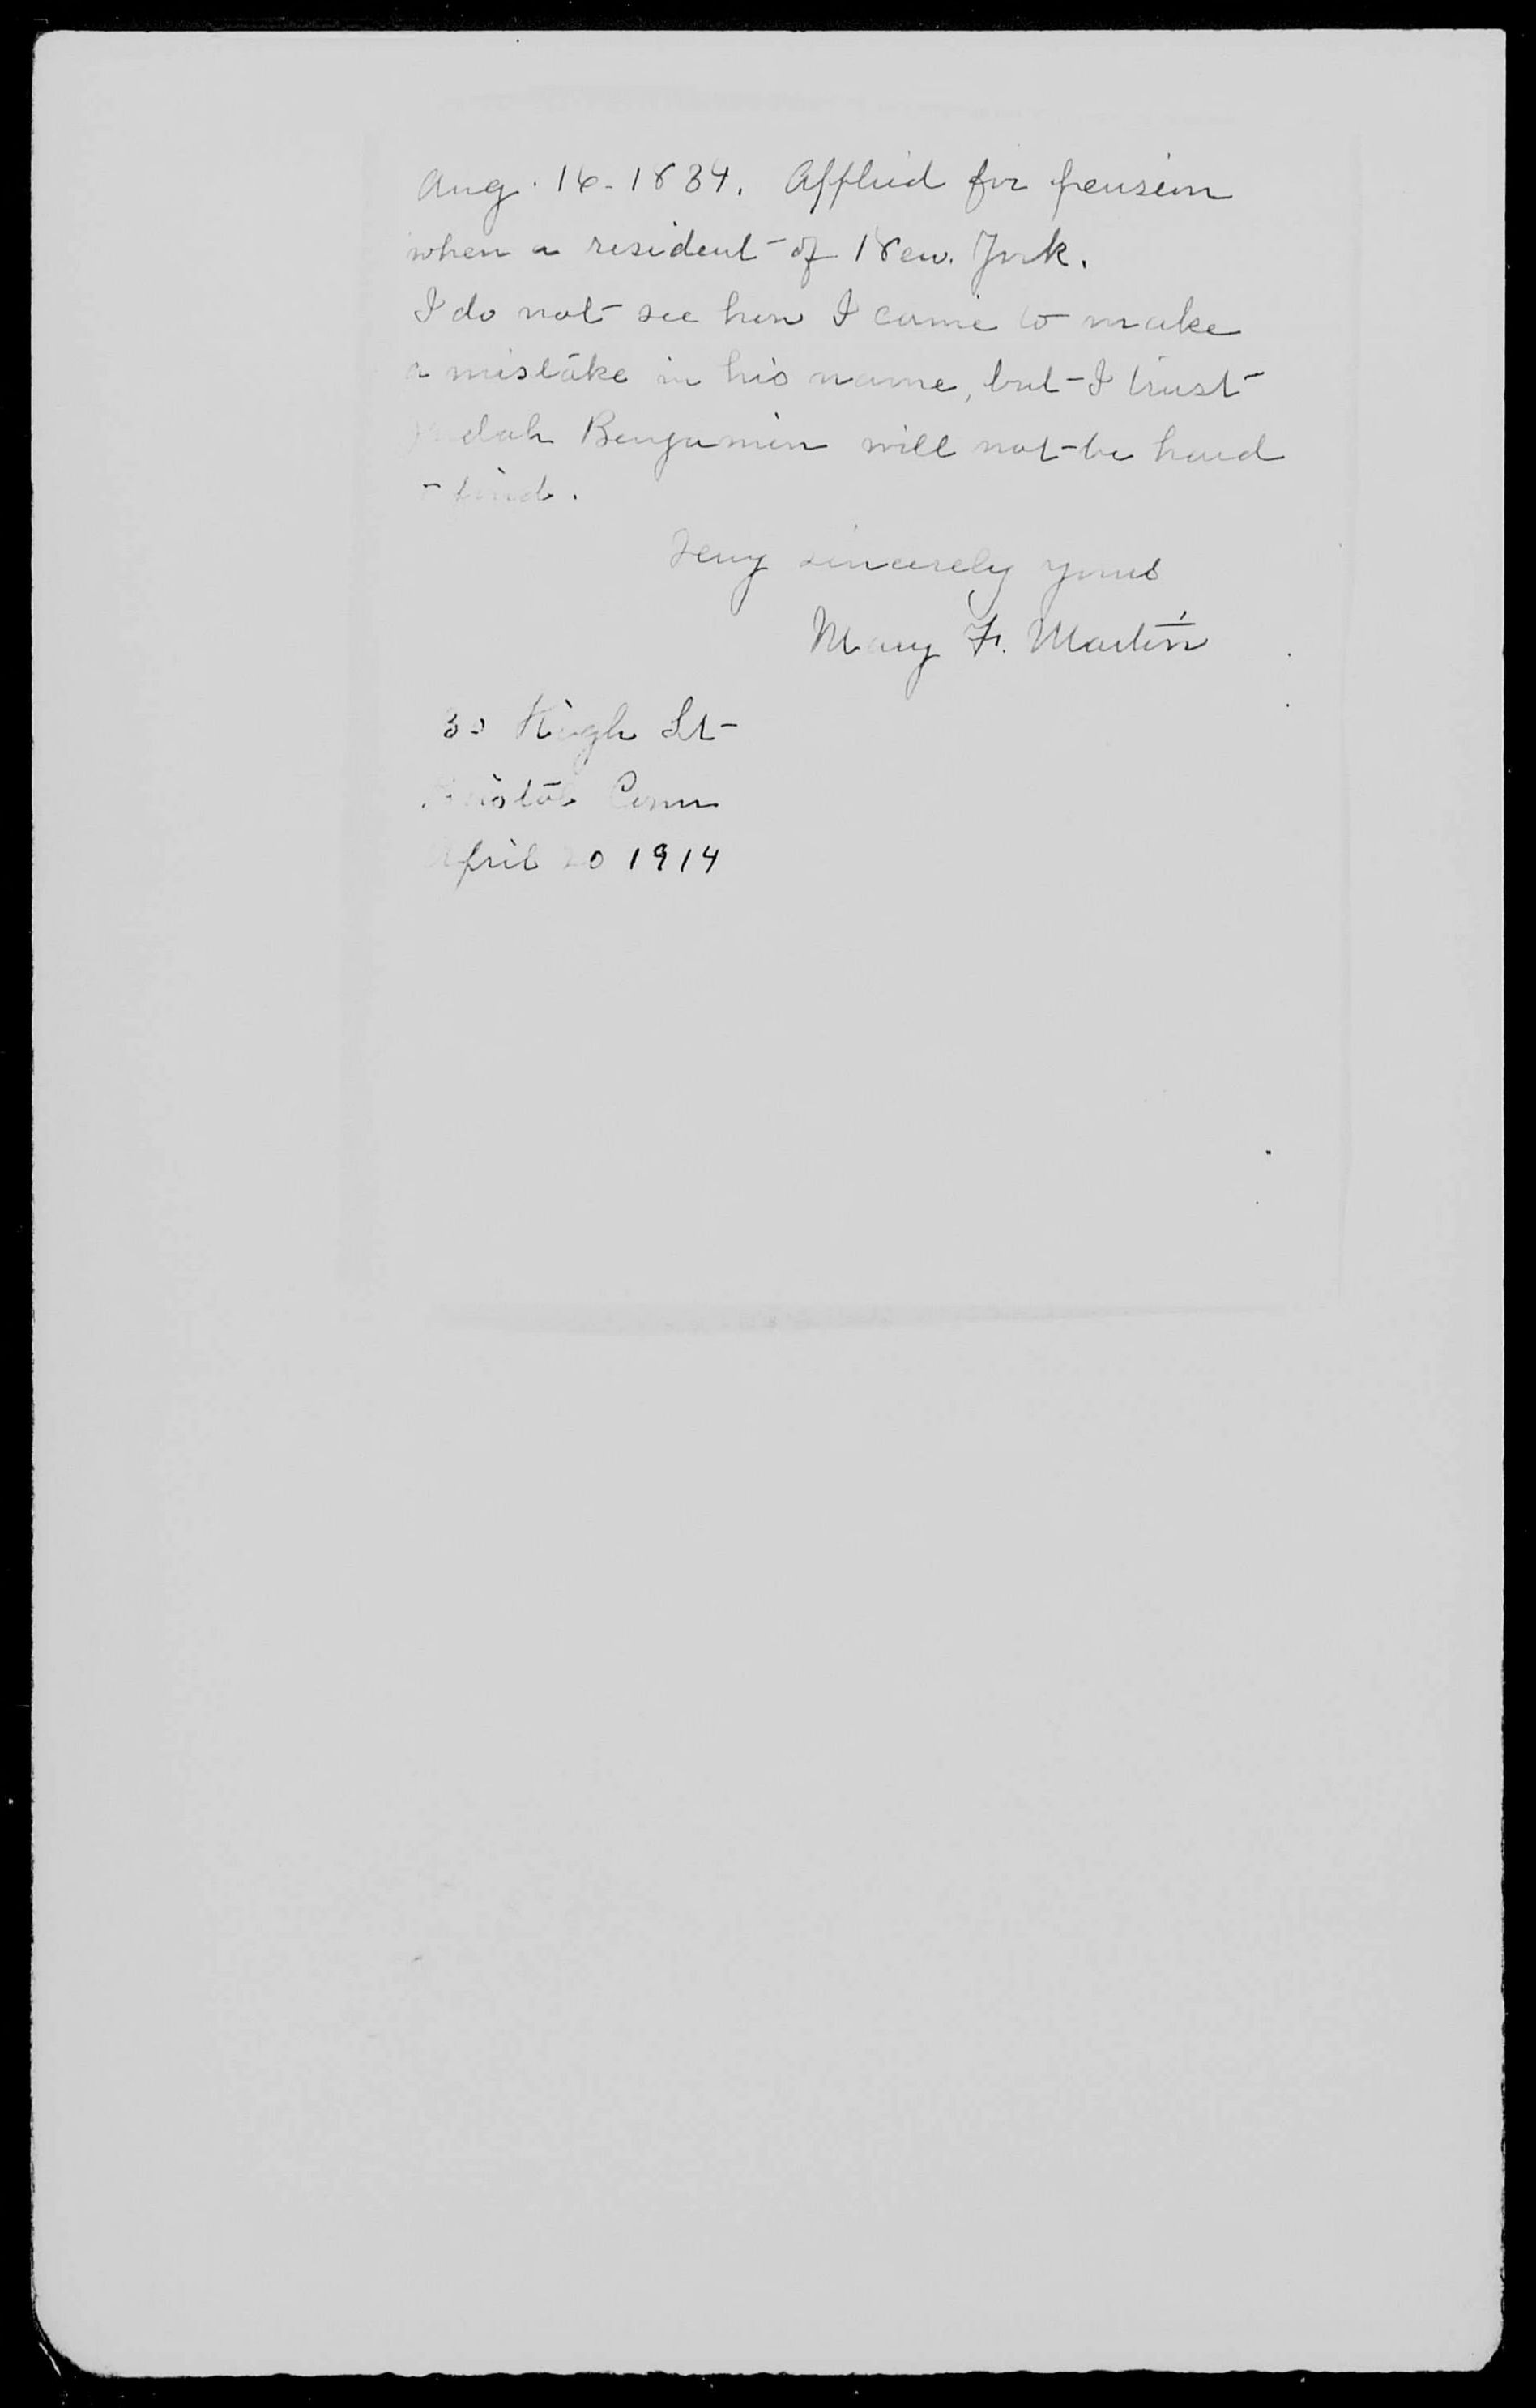Aug. 16, 1834. applied for pension when a resident of New York.
I do not see how I came to make a mistake in his name, but I trust Judah Benjamin will not be hard\ to find.
Very sincerely yours
[signed] Mary F. Martin
30 High St
Bristol, Conn
April 10 1914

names: Mary F Martin, Judah Benjamin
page: 30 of 34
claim: survivor's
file: S. 39981, Judah Benjamin, Continental (N. H. And N. Y.)